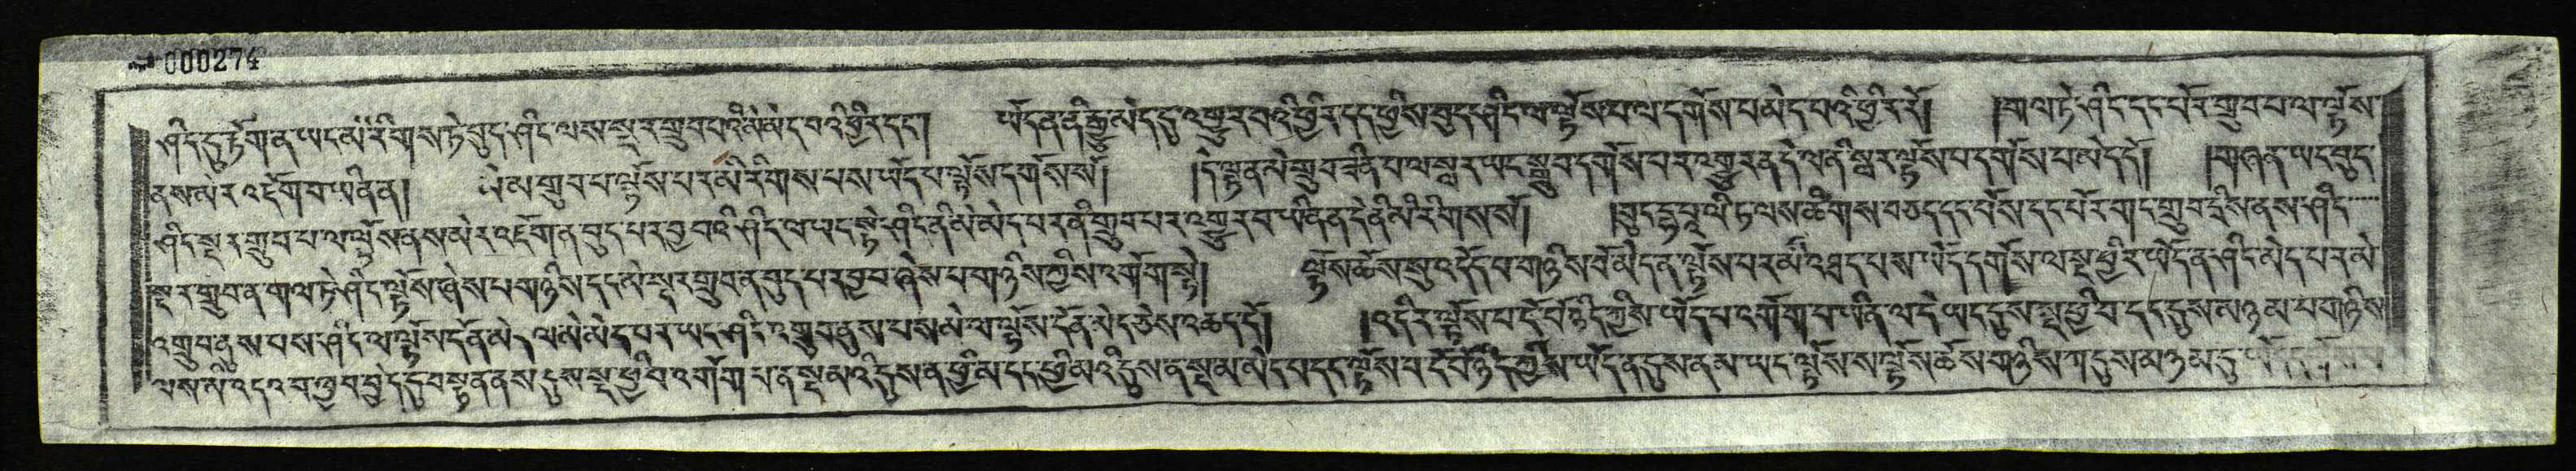ཤིང་དུ་རྟོག་ན་ཡང་མི་རིགས་ཏེ་བུད་ཤིང་ལས་སྔར་གྲུབ་པའི་མེ་མེད་པའི་ཕྱིར་དང་། ཡོད་ན་ནི་རྒྱུ་མེད་དུ་འགྱུར་བའི་ཕྱིར་དང་ཕྱིས་བུད་ཤིང་ལ་ལྟོས་པ་ལ་དགོས་པ་མེད་པའི་ཕྱིར་རོ། །གལ་ཏེ་ཤིང་དང་པོར་གྲུབ་པ་ལ་ལྟོས་
ནས་མེར་འཇོག་པ་ཡིན་ན། མེ་མ་གྲུབ་པ་ལྟོས་པར་མི་རིགས་པས་ཡོད་པ་ལྟོས་དགོས་སོ། །དེ་ལྟ་ན་མེ་གྲུབ་ཟིན་པ་ལ་སླར་ཡང་སྒྲུབ་དགོས་པར་འགྱུར་ན་དེ་ལ་ནི་སླར་ལྟོས་པ་དགོས་པ་མེད་དོ། །གཞན་ཡང་བུད་
ཤིང་སྔར་གྲུབ་པ་ལ་ལྟོས་ནས་མེར་འཇོག་ན་བུད་པར་བྱ་བའི་ཤིང་ལ་ཡང་སྟེ་ཤིང་ནི་མེ་མེད་པར་ནི་གྲུབ་པར་འགྱུར་བ་ཡིན་ན་དེ་ནི་མི་རིགས་སོ། །བུད་དྷ་པཱ་ལི་ཏ་ལས་ཚིགས་བཅད་དང་པོས་དང་པོར་གང་གྲུབ་དྲིས་ནས་ཤིང་
སྔར་གྲུབ་ན་གལ་ཏེ་ཤིང་ལྟོས་ཞེས་པ་གཉིས་དང་མེ་སྔར་གྲུབ་ན་བུད་པར་བྱ་བ་ཞེས་པ་གཉིས་ཀྱིས་འགོག་སྟེ། ལྟོས་ཆོས་སུ་འདོད་པ་གཉིས་པོ་མེད་ན་ལྟོས་པར་མི་འཐད་པས་ཡོད་དགོས་ལ་སྔ་ཕྱིར་ཡོད་ན་ཤིང་མེད་པར་མེ་
འགྲུབ་ནུས་པས་ཤིང་ལ་ལྟོས་དོན་མེད་ལ་མེ་མེད་པར་ཡང་ཤིང་འགྲུབ་ནུས་པས་མེ་ལ་ལྟོས་དོན་མེད་ཅེས་འཆད་དོ། །འདིར་ལྟོས་པ་ངོ་བོ་ཉིད་ཀྱིས་ཡོད་པ་འགོག་པ་ཡིན་ལ་དེ་ཡང་དུས་སྔ་ཕྱི་བ་དང་དུས་མཉམ་པ་གཉིས་
ལས་མི་འདའ་བ་ཁྱབ་བྱེད་དུ་བསྟན་ནས་དུས་སྔ་ཕྱི་བ་འགོག་པ་ན་སྔ་མའི་དུས་ན་ཕྱི་མ་དང་ཕྱི་མའི་དུས་ན་སྔ་མ་མེད་པ་དང་ལྟོས་པ་ངོ་བོ་ཉིད་ཀྱིས་ཡོད་ན་དུས་ནམ་ཡང་ལྟོས་ས་ལྟོས་ཆོས་གཉིས་ཀ་དུས་མཉམ་དུ་ཡོད་དགོས་པ་